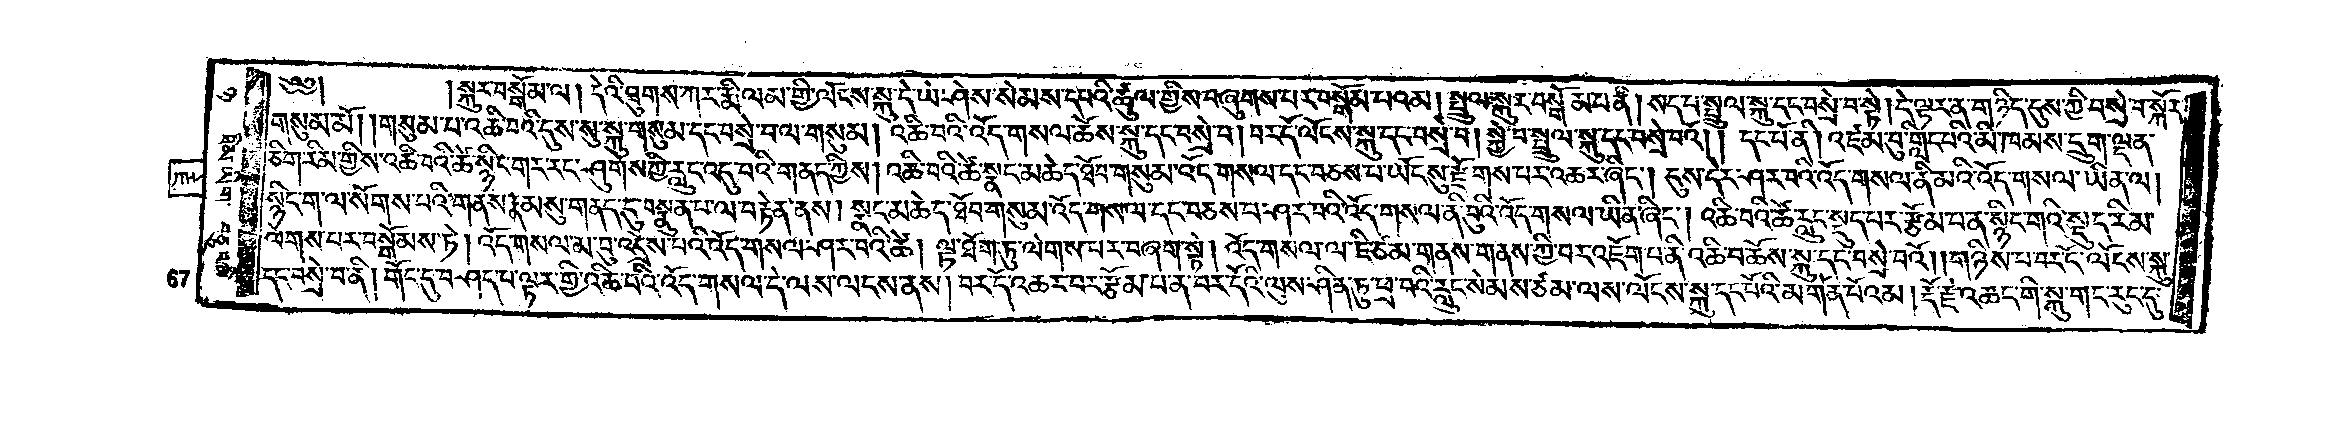༄༅། །སྐུར་བསྒོམ་ལ། དེའི་ཐུགས་ཀར་རྨི་ལམ་གྱི་ལོངས་སྐུ་དེ་ཡེ་ཤེས་སེམས་དཔའི་ཚུལ་གྱིས་བཞུགས་པར་བསྒོམ་པའམ། སྤྲུལ་སྐུར་བསྒོམ་པ་ནི། སད་པ་སྤྲུལ་སྐུ་དང་བསྲེ་བ་སྟེ། དེ་ལྟར་ན་གཉིད་དུས་ཀྱི་བསྲེ་བ་སྐོར་
གསུམ་མོ། །གསུམ་པ་འཆི་བའི་དུས་སུ་སྐུ་གསུམ་དང་བསྲེ་བ་ལ་གསུམ། འཆི་བའི་འོད་གསལ་ཆོས་སྐུ་དང་བསྲེ་བ། བར་དོ་ལོངས་སྐུ་དང་བསྲེ་བ། སྐྱེ་བ་སྤྲུལ་སྐུ་དང་བསྲེ་བའོ། །དང་པོ་ནི། འཛམ་བུ་གླིང་པའི་མི་ཁམས་དྲུག་ལྡན་
ཅིག་རིམ་གྱིས་འཆི་བའི་ཚེ་སྙིང་གར་རང་ཤུགས་ཀྱི་རླུང་འདུ་བའི་གནད་ཀྱིས། འཆི་བའི་ཚེ་སྣང་མཆེད་ཐོབ་གསུམ་འོད་གསལ་དང་བཅས་པ་ཡོངས་སུ་རྫོགས་པར་འཆར་ཞིང་། དུས་དེར་ཤར་བའི་འོད་གསལ་ནི་མའི་འོད་གསལ་ཡིན་ལ།
སྙིང་ག་ལ་སོགས་པའི་གནས་རྣམས་སུ་གནད་དུ་བསྣུན་པ་ལ་བརྟེན་ནས། སྣང་མཆེད་ཐོབ་གསུམ་འོད་གསལ་དང་བཅས་པ་ཤར་བའི་འོད་གསལ་ནི་བུའི་འོད་གསལ་ཡིན་ཞིང་། འཆི་བའི་ཚེ་རླུང་སྡུད་པར་རྩོམ་པ་ན་སྙིང་གའི་སྡུད་རིམ་
ལེགས་པར་བསྒོམས་ཏེ། འོད་གསལ་མ་བུ་འདྲེས་པའི་འོད་གསལ་ཤར་བའི་ཚེ། ལྟ་ཐོག་ཏུ་ལེགས་པར་བཞག་སྟེ། འོད་གསལ་ལ་ཇི་ཙམ་གནས་གནས་ཀྱི་བར་འཇོག་པ་ནི་འཆི་བ་ཆོས་སྐུ་དང་བསྲེ་བའོ། །གཉིས་པ་བར་དོ་ལོངས་སྐུ་
དང་བསྲེ་བ་ནི། གོང་དུ་བཤད་པ་ལྟར་གྱི་འཆི་བའི་འོད་གསལ་དེ་ལས་ལངས་ནས། བར་དོ་འཆར་བར་རྩོམ་པ་ན་བར་དོའི་ལུས་ཤིན་ཏུ་ཕྲ་བའི་རླུང་སེམས་ཙམ་ལས་ལོངས་སྐུ་དང་པོའི་མགོན་པོའམ། རྡོ་རྗེ་འཆང་གི་སྐུ་གང་རུང་དུ་